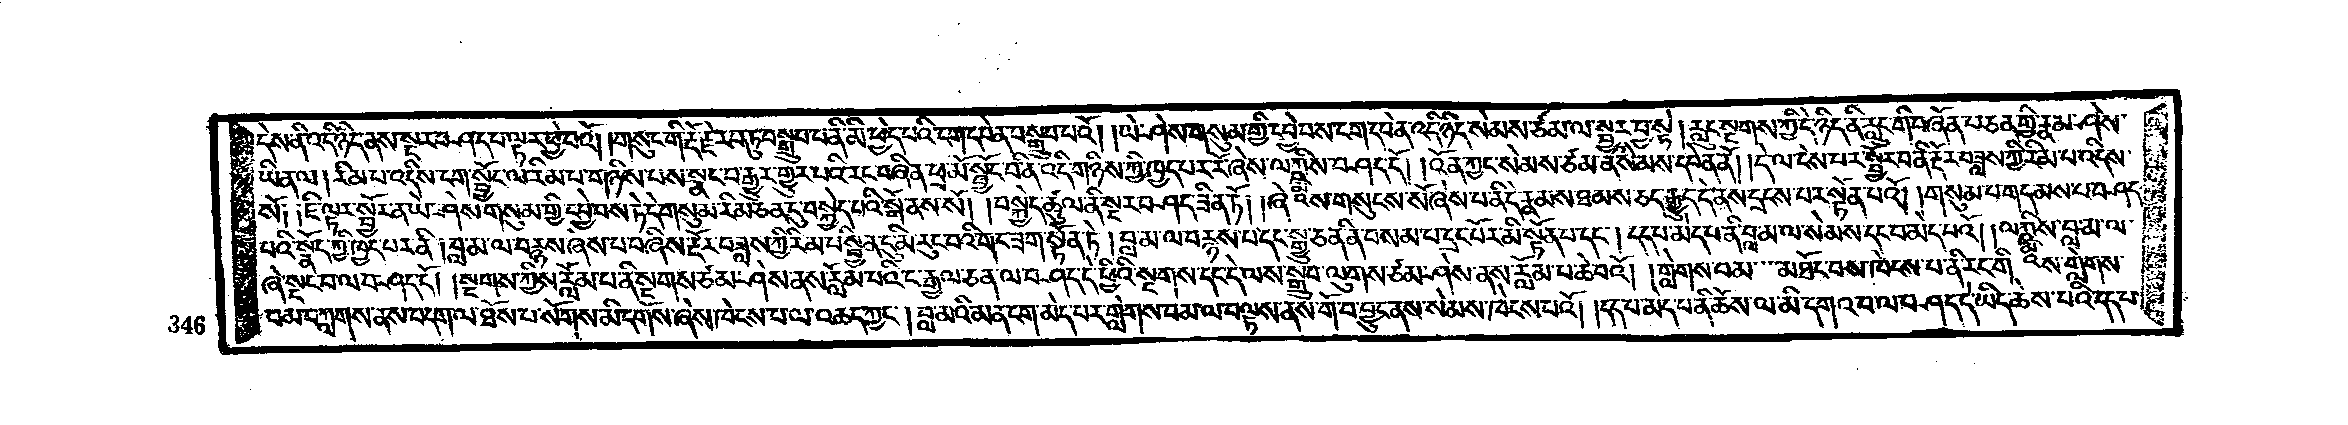དེས་ནི་འདི་ཉིད་ནས་སྔར་བཤད་པ་ལྟར་ཕྱེ་བའོ། །གསུང་གི་རྡོ་རྗེ་རབ་ཏུ་བསྒྲུབ་པ་ནི་མི་ཕྱེད་པའི་ངག་དབེན་བསྒྲུབ་པའོ། །ཡེ་ཤེས་གསུམ་གྱི་དབྱེ་བས་ངག་དབེན་འདི་ཉིད་སེམས་ཙམ་ལ་སྦྱར་བྱ་སྟེ། རླུང་སྔགས་ཀྱི་དེ་ཉིད་ནི་རླུང་གི་བཞོན་པ་ཅན་གྱི་རྣམ་ཤེས་
ཡིན་ལ། རིམ་པ་འདིས་ངག་སྦྱོང་ལ་རིམ་པ་གཉིས་པས་སྣང་བ་རྒྱུར་གྱུར་པའི་རང་བཞིན་ཕྲ་མོ་སྦྱོང་བ་ནི་འདི་གཉིས་ཀྱི་ཁྱད་པར་རོ་ཞེས་ལཀྵྨཱིས་བཤད་དོ། །འོན་ཀྱང་སེམས་ཙམ་ནི་སེམས་དབེན་ནོ། །དེ་ལ་ངེས་པར་སྦྱོར་བ་ནི་རྡོར་བཟླས་ཀྱི་རིམ་པ་འདིས་
སོ༑ ༑ཇི་ལྟར་སྦྱོར་ན་ཡེ་ཤེས་གསུམ་གྱི་དབྱེ་བས་ཏེ་དེ་གསུམ་རིམ་ཅན་དུ་བསྐྱེད་པའི་སྒོ་ནས་སོ། །བསྐྱེད་ཚུལ་ནི་སྔར་བཤད་ཟིན་ཏོ། །ཞེས་གསུངས་སོ་ཞེས་པ་ནི་དེ་རྣམས་ཐམས་ཅད་རྒྱུད་དེ་ནས་དྲངས་པར་སྟོན་པའོ། །གསུམ་པ་གདམས་པ་བཤད་
པའི་སྣོད་ཀྱི་ཁྱད་པར་ནི། བླ་མ་ལ་བརྙས་ཞེས་པ་བཞིས་རྡོར་བཟླས་ཀྱི་རིམ་པ་སྦྱིན་དུ་མི་རུང་བའི་གང་ཟག་སྟོན་ཏེ། བླ་མ་ལ་བརྙས་པ་དང་སྒྱུ་ཅན་ནི་བསམ་པ་དྲང་པོར་མི་སྟོན་པ་དང་། དད་པ་མེད་པ་ནི་བླ་མ་ལ་སེམས་དང་བ་མེད་པའོ། །ལཀྵྨཱིས་བླ་མ་ལ་
ཞེ་སྡང་བ་ལ་བཤད་དོ། །སྔགས་ཀྱིས་རློམ་པ་ནི་སྔགས་ཙམ་ཤེས་ནས་རློམ་པའི་ང་རྒྱལ་ཅན་ལ་བཤད་དེ་ཕྱིའི་སྔགས་དང་དེ་ལས་སྒྲུབ་ལུགས་ཙམ་ཤེས་ནས་རློམ་པ་ཆེ་བའོ། །གླེགས་བམ་མཐོང་བས་ཁེངས་པ་ནི་རང་གིས་གླེགས་
བམ་བཀླགས་ནས་བདག་ལ་ཐོས་པ་སོགས་མི་དགོས་ཞེས་ཁེངས་པ་ལ་འཆད་ཀྱང་། བླ་མའི་མན་ངག་མེད་པར་གླེགས་བམ་ལ་བལྟས་ནས་གེ་བ་བྱུང་ནས་སེམས་ཁེངས་པའོ། །དད་པ་མེད་པ་ནི་ཆོས་ལ་མི་དགའ་བ་ལ་བཤད་དེ་ཡིད་ཆེས་པའི་དད་པ་